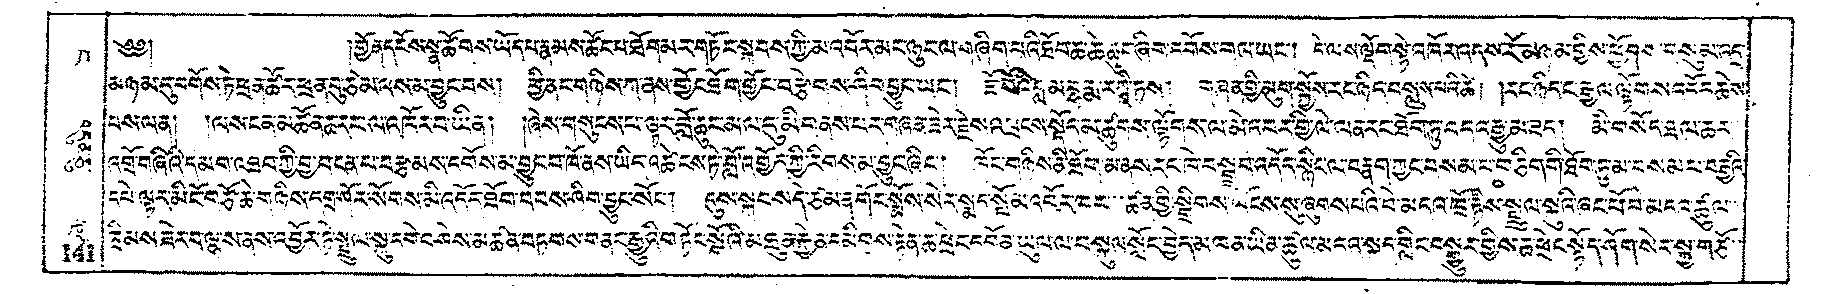༄༅། །གྱོན་དངོས་སྣ་ཚོགས་ཡོད་པ་རྣམས་ཚོང་པ་ཐོག་མར་གཏོང་སྐབས་ཀྱི་མ་འབོར་མང་ཉུང་ལ་གཞིག་པའི་ཐོབ་ཆ་ཆེ་ཆུང་ཞིག་དགོས་གལ་ཡང་། དེ་ལས་ལྡོག་སྟེ་འཁོར་འདས་རོ་མཉམ་གྱིས་ཕྱོགས་གསུམ་འདྲ་
མཉམ་དུ་བགོས་ཏེ་ཕྲན་ཚོར་ཕྲན་བུ་ཙམ་ལས་མ་བྱུང་བས། ཕྱི་ནང་གཉིས་ཀ་ནས་གྱོང་ཐོག་གྱོང་བརྩེགས་ཤིག་བྱུང་ཡང་། ཇོ་བོའི་བླ་མ་དྷརྨ་རཀྵི་ཏས། གཞན་གྱི་མུག་སྐྱོས་རང་ཉིད་བསླུས་པའི་ཚེ། །རང་ཉིད་ང་རྒྱལ་ལྟོགས་འདོད་ཆེས་
པས་ལན། །ལས་ངན་མཚོན་ཆ་རང་ལ་འཁོར་བ་ཡིན། །ཞེས་གསུངས་པ་ལྟར་བློ་ཆུང་མལ་དུ་མི་གནས་པར་གཞན་ཟེར་རྗེས་འབྲངས་སྡོད་མ་ཚུགས་ལྟོགས་ལ་མེ་འབར་གྱི་ལེ་ལན་རང་ཐོག་ཏུ་བདའ་རྒྱུ་མ་ཟད། མི་གསོད་ཐལ་ཆར་
འགྲོ་གཞིའི་དམག་འཐབ་ཀྱི་བྱ་བ་ངན་པ་བརྩམས་དགོས་མ་བྱུང་བ་ཁོ་ནས་ཡིད་འཚེ་ངས་ཏེ་བློ་འགྱོད་ཀྱི་རིགས་མ་བྱུང་ཞིང་། ཁོང་གཉིས་ནི་ཐོག་མ་ནས་རང་ཁེ་བསྒྲུབ་འདོད་སྙིང་ལ་བརྣག་ཀྱང་བསམ་པ་གཅིག་གི་ཐོག་ཏུ་མ་བསམ་པ་བརྒྱའི་
དཔེ་ལྟར་མི་ངོ་གཙོ་ཆེ་གཉིས་དགྲ་ཤོར་སོགས་མི་འདོད་ཐོག་བབས་ཤིག་བྱུང་སོང་། དུས་སྐབས་དེ་ཙམ་ན་གོང་སྨོས་སེར་སྨད་སྤོམ་འབོར་ཁང་ཚན་གྱི་སྒྲིགས་ཁོངས་སུ་ཞུགས་པའི་བེ་མདའ་ཁྲོ་རྟིས་སྤྲུལ་སྐུའི་ཞང་པོ་བེ་མདའ་ཚུལ་
ཁྲིམས་ཟེར་བ་ལྷ་ས་ནས་འབྱོར་ཏེ་སྤྲུལ་སྐུ་དགེ་བཤེས་མཚན་བཏགས་གནང་རྒྱུའི་གཏོང་སྒོའི་མཐུན་རྐྱེན་དམིགས་རྟེན་ཆ་ཕྲེང་དགོན་ཡུལ་ལ་བསྐུལ་སློང་བྱེད་མཁན་ཡིན་ཚུལ་མདའ་སྐད་གླིང་བསྒྱུར་གྱིས་ཆ་ཕྲེང་སྟོད་ཤོག་སེར་སྐྱ་གཙོ་